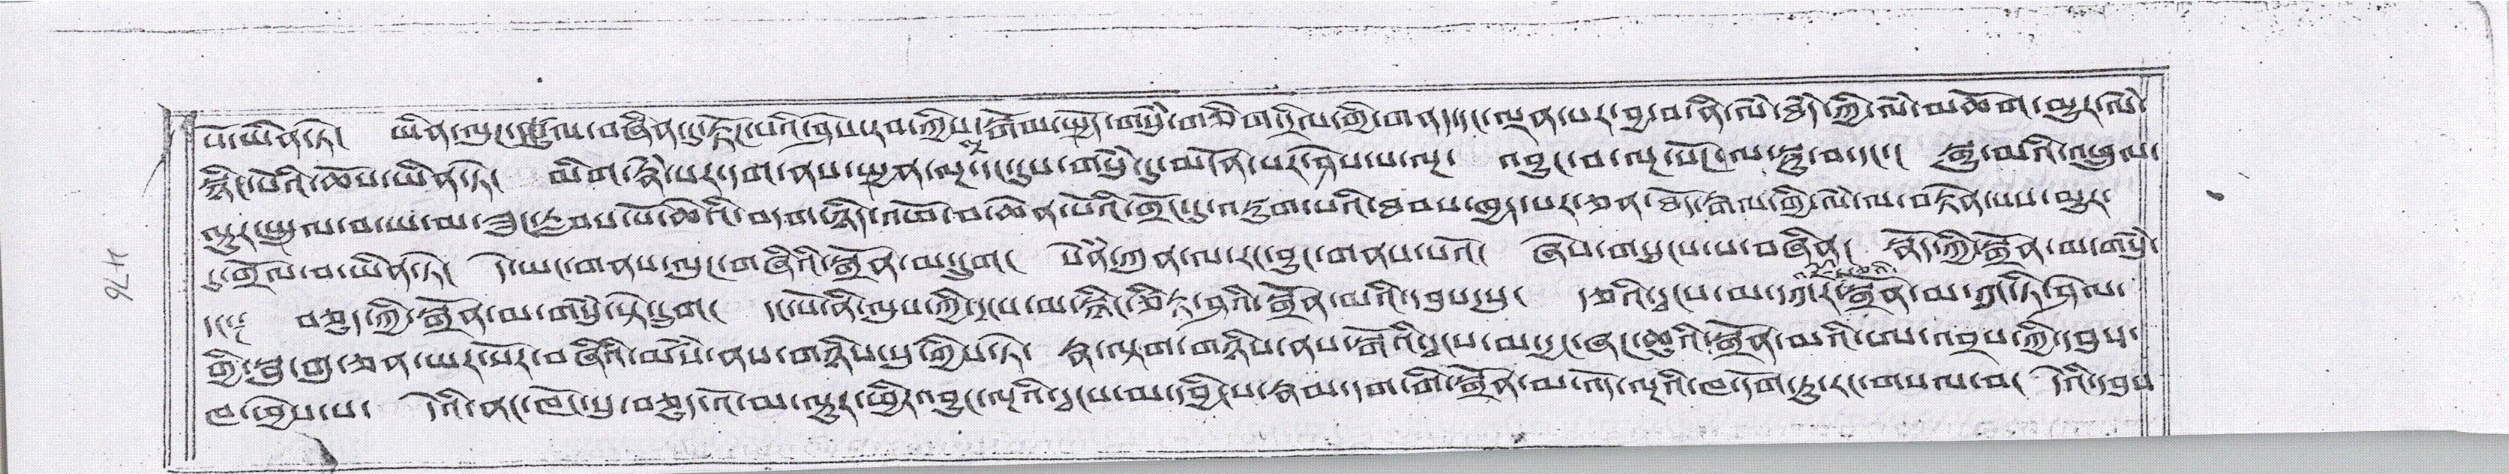པོ་ཡིན་ཏེ། ཡིན་ལུགས་ཚུལ་བཞིན་དུ་རྟོགས་པའི་ཤེས་རབ་ཀྱིས་ལྟ་སྒོམ་སྤྱོད་གསུམ་གཅིག་དྲིལ་གྱི་གནད་དང་ལྡན་པར་བྱ་བ་ནི་ལམ་ཐམས་ཅད་ཀྱི་ལམ་མཆོག་མྱུར་ལམ་
སྙིང་པོའི་ཆོས་ཡིན་ཏེ། མིག་རྣམ་པར་དག་པས་སྤྱན་ལྔ་དང་དུས་གསུམ་དུ་མངོན་པར་ཤེས་པ་ལྔ་སོགས་ལ་རྫུ་བ་དང་། སྒྱུ་མའི་འཕྲུལ་
ལྟ་བུར་སྤྲུལ་པ་ཡ་མ་ཟུང་རླབས་པོ་ཆེའི་བདག་ཉིད་འཕོ་བ་ཆེན་པོའི་གྲོང་དུ་འཇུག་པའི་ཐབས་ཁྱད་པར་ཅན་ཐོད་རྒལ་གྱི་ལམ་ལ་བརྟེན་པས་མྱུར་
དུ་གྲོལ་བ་ཡིན་ཏེ། དེ་ཡང་གནས་ལུགས་གཞིའི་སྒྲོན་མ་དྲུག སེམས་ཅན་ཀུན་ལ་རང་བྱུང་གནས་པའོ། ཞེས་གསུངས་པ་བཞིན། སྣོད་ཀྱི་སྒྲོན་མ་གསུམ་
དང་། བཅུད་ཀྱི་སྒྲོན་མ་གསུམ་སྟེ་དྲུག དང་པོ་ནི་ལུས་ཀྱི་དྭངས་མ་སྙིང་ཙིརྟ་ཤའི་སྒྲོན་མའི་དབུས་སུ། རྩའི་དྭངས་མ་དཀར་འཇམ་རྩའི་སྒྲོན་མ་ཀ་ཏི་ཤེལ་
གྱི་སྦུ་གུ་ཅན་ཡར་སོར་བཞིའི་མཚམས་ནས་གཉིས་སུ་གྱེས་ཏེ། རྣ་ལྟག་གཉིས་ནས་སྒོ་ཡི་དྭངས་མ་རྒྱང་ཞགས་ཆུའི་སྒྲོན་མའི་ཨ་འབྲས་ཀྱི་དབུས་
ཁ་ཕྱེས་པ། དེའི་ནང་ཁོངས་སུ་བཅུད་འོ་ལྟ་བུ་ཕྱིར་འབྱུང་ལྔའི་དྭངས་མ་དབྱིངས་རྣམ་དག་གི་སྒྲོན་མ་འོད་ལྔའི་ཁ་དོག་ཏུ་རང་གསལ་བ། དེའི་དབུས་